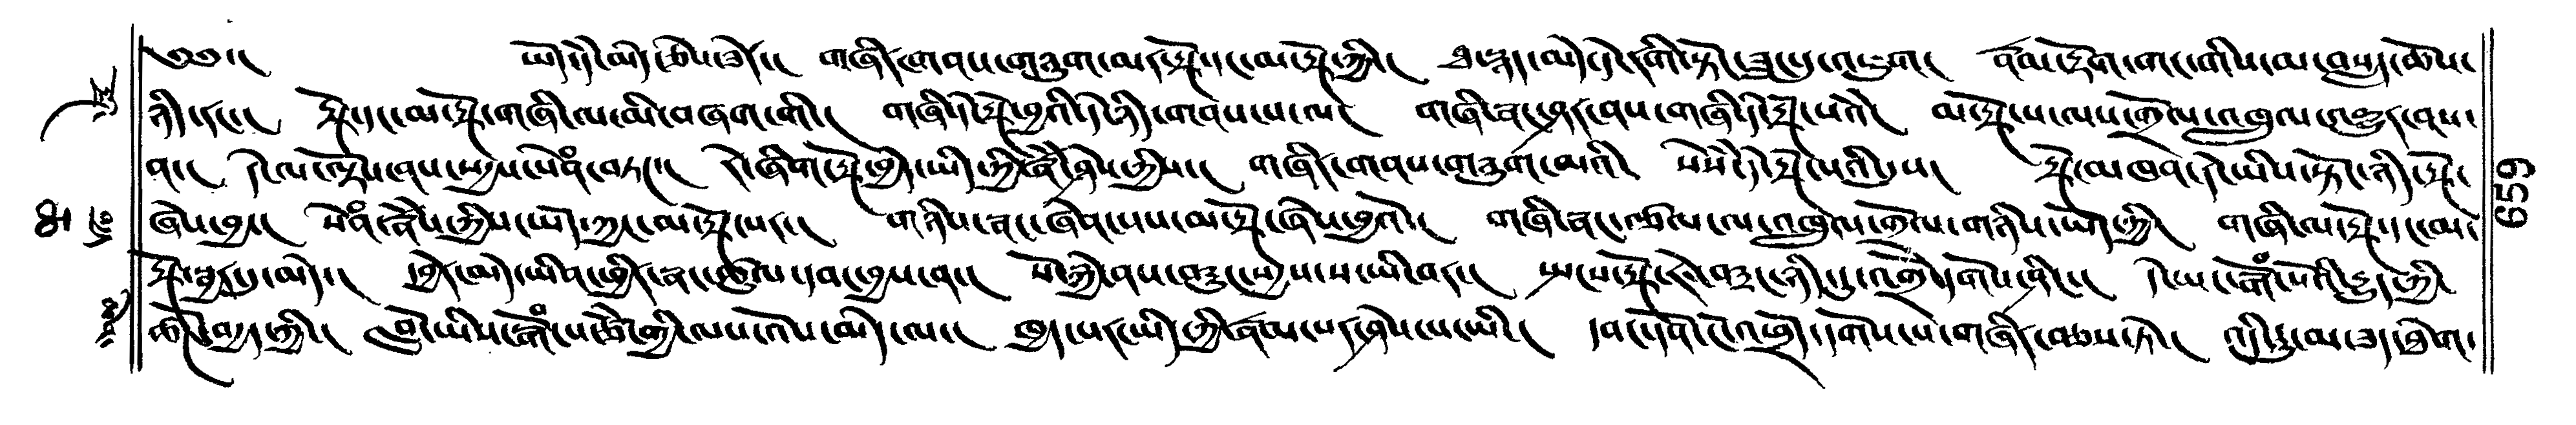ཡོད་དམ་མེད་ཅེས་ཟེར། །གཞིར་གནས་གཉུག་མར་རྟོགས་དང་མ་རྟོགས་ཀྱི། །ཐ་སྙད་མེད་དེ་རིག་སྟོང་ཟུང་དུ་འཇུག རྣམ་རྟོག་གང་གིས་མ་བསླད་ཆོས་
ཉིད་རང་། །རྟོགས་དག་མ་རྟོགས་གཞི་ལ་མི་བཞག་གི གཞི་དེ་རྟོགས་བྱའི་དེ་ཉིད་གནས་པ་ལ། །གཞི་སྣང་ཤར་ནས་གཞི་དེ་རྟོགས་པའམ། །མ་རྟོགས་པ་ལས་གྲོལ་འཁྲུལ་འགྱུར་ནས་
ན། །དེ་ལ་ལྟོས་ནས་སངས་རྒྱས་སེམས་ཅན་བཏགས། །རེ་ཞིག་རྟོགས་བྱེད་ཡིད་ཀྱི་རྣམ་ཤེས་ཀྱིས། །གཞིར་གནས་གཉུག་མའི་སེམས་དེ་རྟོགས་པའི་དུས། །རྟོགས་མཁན་དེ་ཡིས་སྟོང་ཉིད་རྟོགས་
ཞེས་བྱ། །སེམས་ཅན་རྣམས་ཀྱིས་ཡོད་ཀྱང་མ་རྟོགས་པར། །གཉིས་སྣང་ཞེན་པས་མ་རྟོགས་ཞེས་བྱའོ། །གཞི་སྣང་རྩལ་ལ་འཁྲུལ་གྲོལ་གཉིས་ཡོད་ཀྱི། །གཞི་ལས་རྟོགས་དང་མ་
རྟོགས་སྦྱར་དུ་མེད། །དབྱེར་མེད་ཡིན་ཕྱིར་སྣང་ཚུལ་དབང་བྱས་ན། །སོ་སྐྱེ་ནས་བཟུང་སངས་རྒྱས་ས་ཡི་བར། །སྤངས་རྟོགས་ཇེ་བཟང་ཉིད་དུ་འགྲོ་དགོས་ཤིང་། །དེ་ཡང་སྒོམ་པོའི་རྒྱུད་ཀྱི་
ཚོགས་བརྒྱད་ཀྱི། །བློ་ཡིས་སྒོམ་པ་ཙམ་ལས་འོས་མེད་ལ།ཁྱད་པར་ཡིད་ཀྱི་རྣམ་པར་ཤེས་པ་ཡི། །དབང་དོན་ངོ་འཕྲོད་དགོས་པ་གཞིར་བཅས་ཏེ། །འདི་རུ་མ་ཟད་ཐེག་